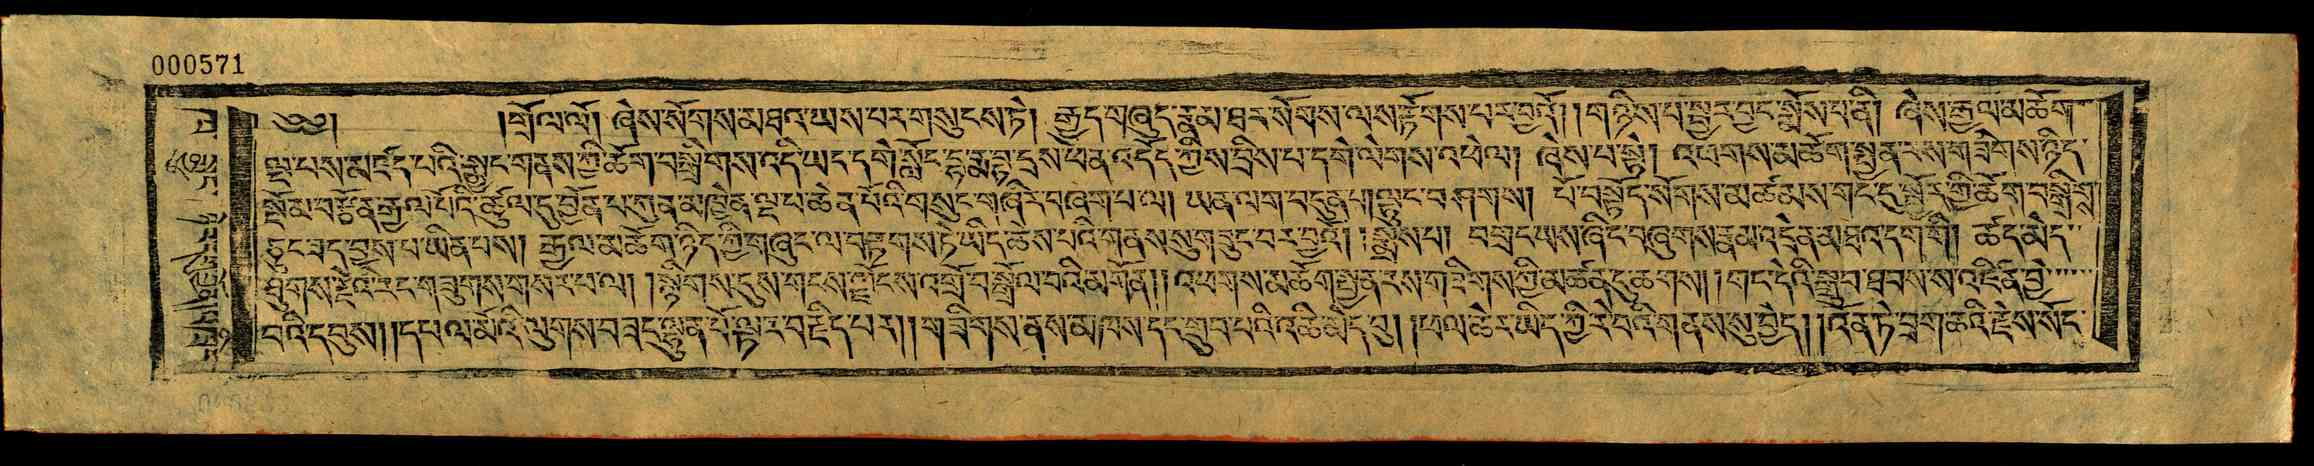༄༅། །གྲོལ་ལོ། ཞེས་སོགས་མཐའ་ཡས་པར་གསུངས་ཏེ། རྒྱུད་གཞུང་རྣམ་ཐར་སོགས་ལས་རྟོགས་པར་བྱའོ། །གཉིས་པ་སྦྱར་བྱང་སྨོས་པ་ནི། ཞེས་རྒྱལ་མཆོག་
ལྔ་པས་མཛད་པའི་སྨྱུང་གནས་ཀྱི་ཆོག་བསྒྲིགས་འདི་ཡང་དགེ་སློང་དྷརྨ་བྷ་དྲས་ཕན་འདོད་ཀྱིས་བྲིས་པ་དགེ་ལེགས་འཕེལ། ཞེས་པ་སྟེ། འཕགས་མཆོག་སྤྱན་རས་གཟིགས་ཉིད་
སྡོམ་བརྩོན་རྒྱལ་པོའི་ཚུལ་དུ་བྱོན་པ་ཀུན་མཁྱེན་ལྔ་པ་ཆེན་པོའི་གསུང་གཞིར་བཞག་པ་ལ། ཡན་ལག་བདུན་པ། ལྟུང་བཤགས། པོ་བསྟོད་སོགས་མཚམས་གང་དུ་སྦྱོར་གྱི་ཆོག་བསྒྲིགས་
ཅུང་ཟད་བྱས་པ་ཡིན་པས། རྒྱལ་མཆོག་ཉིད་ཀྱི་གཞུང་ལ་བརྟགས་ཏེ་ཡིད་ཆེས་པའི་གནས་སུ་གཟུང་བར་བྱའོ། །སྨྲས་པ། བགྲང་ཡས་ཤིང་བཞུགས་རྣམ་འདྲེན་མཐའ་དག་གི། ཚད་མེད་
ཐུགས་རྗེའི་རང་གཟུགས་གསར་པ་ལ། །སྙིགས་དུས་གངས་ལྗོངས་འགྲོ་བ་སྒྲོལ་པའི་མགོན། །འཕགས་མཆོག་སྤྱན་རས་གཟིགས་ཀྱི་མཚན་དུ་ཆགས། །གང་དེའི་སྒྲུབ་ཐབས་ས་འཛིན་བྱེ་
བའི་དབུས། །དཔལ་མོའི་ལུགས་བཟང་ལྷུན་པོ་ལྟར་བརྗིད་པར། །གཟིགས་ནས་མཁས་དང་གྲུབ་པའི་འཆི་མེད་བུ། །ཕལ་ཆེར་ཡིད་ཀྱི་རེ་བའི་གནས་སུ་བྱེད། །འོན་ཏེ་བྲག་ཆའི་རྗེས་སོང་